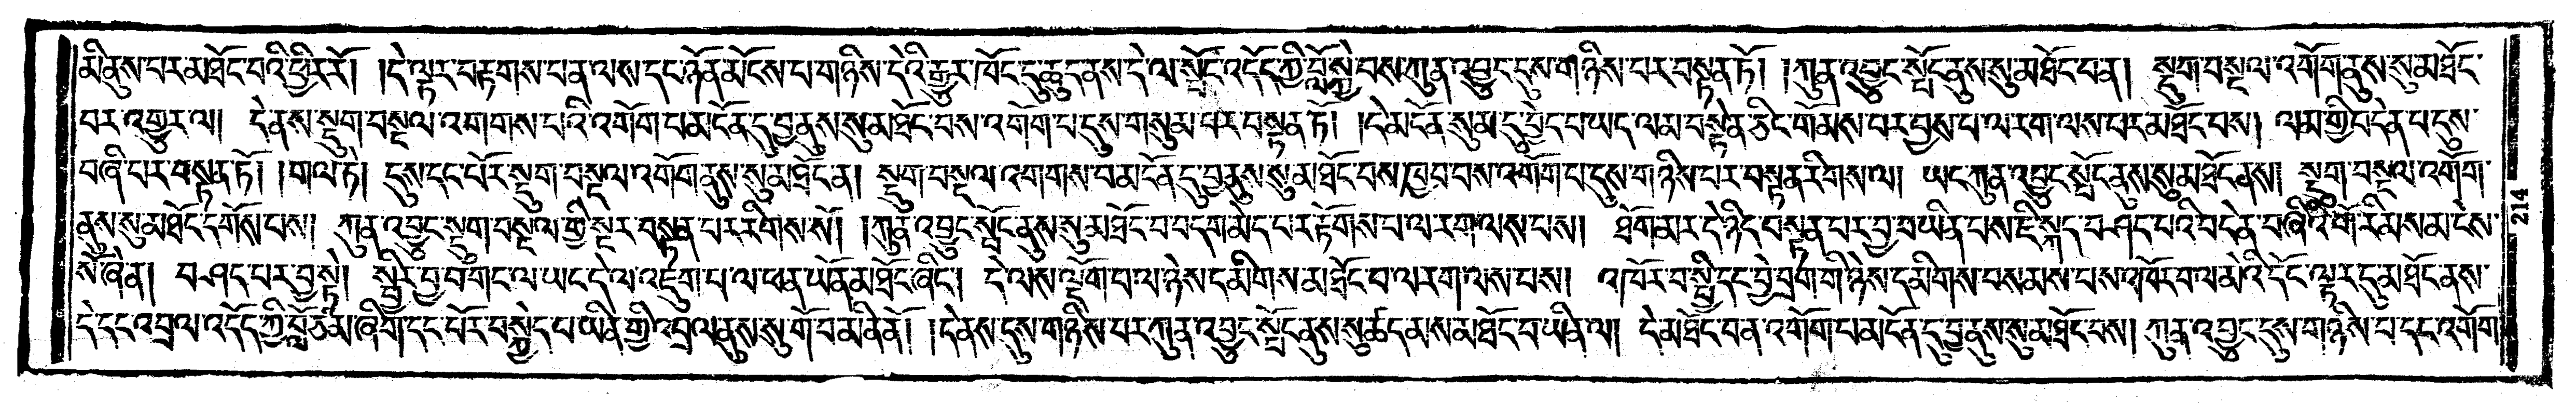མི་ནུས་པར་མཐོང་བའི་ཕྱིར་རོ། །དེ་ལྟར་བརྟགས་པ་ན་ལས་དང་ཉོན་མོངས་པ་གཉིས་དེའི་རྒྱུར་ཁོང་དུ་ཆུད་ནས་དེ་ལ་སྤོང་འདོད་ཀྱི་བློ་སྐྱེ་བས་ཀུན་འབྱུང་དུས་གཉིས་པར་བསྟན་ཏོ། །ཀུན་འབྱུང་སྤོང་ནུས་སུ་མཐོང་བ་ན། སྡུག་བསྔལ་འགོག་ནུས་སུ་མཐོང་
བར་འགྱུར་ལ། དེ་ནས་སྡུག་བསྔལ་འགགས་པའི་འགོག་པ་མངོན་དུ་བྱ་ནུས་སུ་མཐོང་བས་འགོག་པ་དུས་གསུམ་པར་བསྟན་ཏོ། །དེ་མངོན་སུམ་དུ་བྱེད་པ་ཡོད་ལམ་བསྟེན་ཅིང་གོམས་པར་བྱས་པ་ལ་རག་ལས་པར་མཐོང་བས། ལམ་གྱི་བདེན་པ་དུས་
བཞི་པར་བསྟན་ཏོ། །གལ་ཏེ། དུས་དང་པོར་སྡུག་བསྔལ་འགོག་ནུས་སུ་མཐོང་ན། སྡུག་བསྔལ་འགགས་པ་མངོན་དུ་བྱ་ནུས་སུ་མཐོང་བས་ཁྱབ་བས་འགོག་པ་དུས་གཉིས་པར་བསྟན་རིགས་ལ། ཡང་ཀུན་འབྱུང་སྤོང་ནུས་སུ་མཐོང་ནས། སྡུག་བསྔལ་འགོག་
ནུས་སུ་མཐོང་དགོས་པས། ཀུན་འབྱུང་སྡུག་བསྔལ་གྱི་སྔར་བསྟན་པར་རིགས་སོ། །ཀུན་འབྱུང་སྤོང་ནུས་སུ་མཐོང་བ་བདག་མེད་པར་རྟོགས་པ་ལ་རག་ལས་པས། ཐོག་མར་དེ་ཉིད་བསྟན་པར་བྱ་བ་ཡིན་པས་ཇི་སྐད་བཤད་པའི་བདེན་བཞིའི་གོ་རིམས་མ་ངེས་
སོ་ཞེ་ན། བཤད་པར་བྱ་སྟེ། སྤྱིར་བྱ་བ་གང་ལ་ཡང་དེ་ལ་འཇུག་པ་ལ་ཕན་ཡོན་མཐོང་ཞིང་། དེ་ལས་ལྡོག་པ་ལ་ཉེས་དམིགས་མཐོང་བ་ལ་རག་ལས་པས། འཁོར་བ་སྤྱི་དང་བྱེ་བྲག་གི་ཉེས་དམིགས་བསམས་པས་འཁོར་བ་ལ་མེའི་དོང་ལྟར་དུ་མཐོང་ནས་
དེ་དང་འབྲལ་འདོད་ཀྱི་བློ་ཙམ་ཞིག་དང་པོར་བསྐྱེད་པ་ཡིན་གྱི་འབྲས་ནུས་སོ་གོ་བ་མིན་ནོ། །དེ་ནས་དུས་གཉིས་པར་ཀུན་འབྱུང་བསྤོང་ནུས་སུ་ཚད་མས་མཐོང་བ་ཡིན་ལ། དེ་མཐོང་བ་ན་འགོག་པ་མངོན་སུམ་དུ་བྱ་ནུས་སུ་མཐོང་བས། ཀུན་འབྱུང་དུས་གཉིས་པ་དང་འགོག་